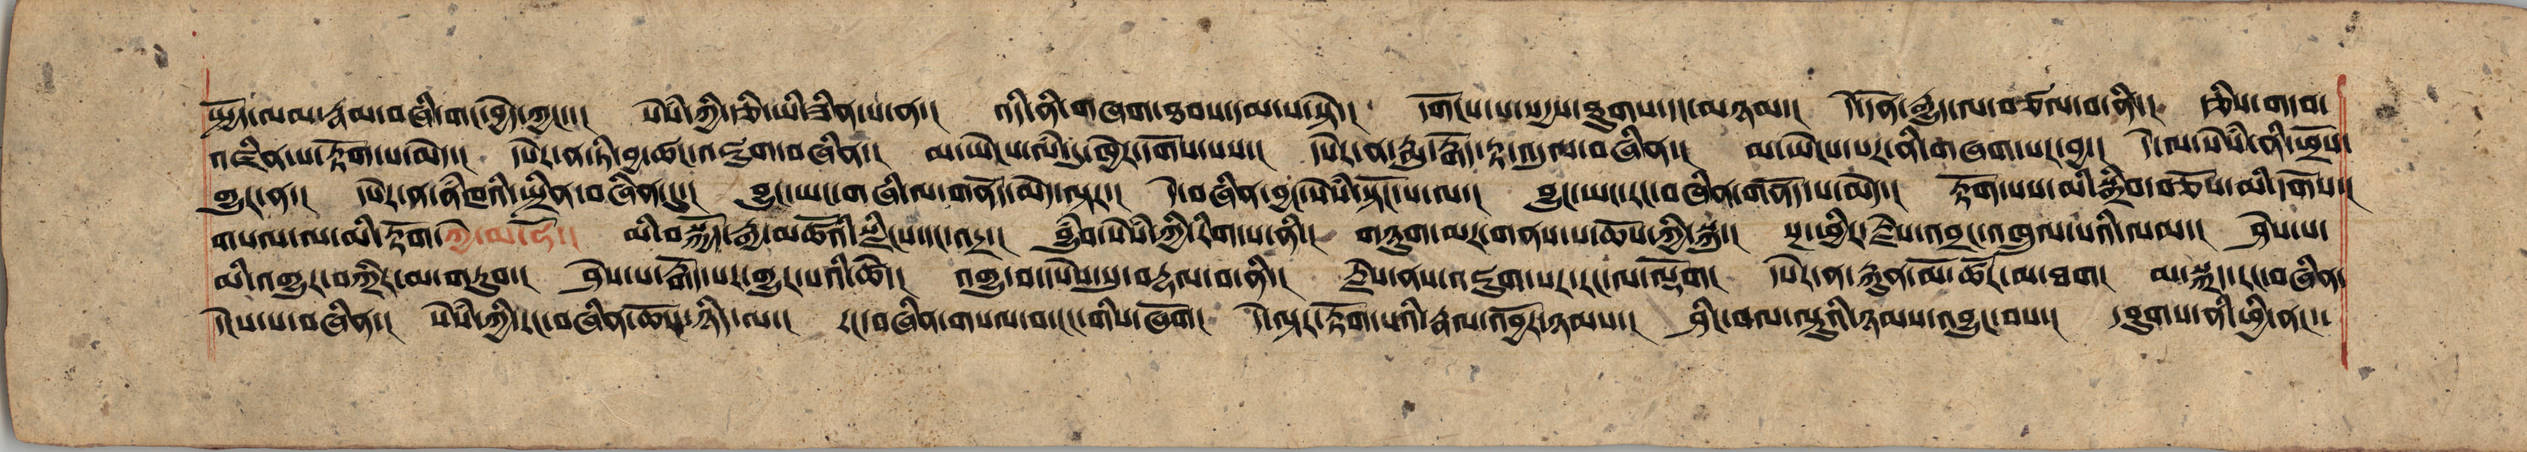སྤྱོད་ལམ་རྣམ་བཞི་གང་བྱེད་ཀྱང་་། སེཾས་ཀྱི་རྩི་ཡི་ཟིན་པ་ན་། འདི་ནི་གཞག་ཐབས་དམ་པ་སྟེ་། དགོངས་པ་སདྱས་ཐུགས་དང་མཉམ་། དེ་དོན་རྒྱུད་ལ་བཙལ་བ་ནི་། རྩིས་གདབ་
འཛིན་པ་རྟོག་པ་མེད་། དཔེར་ན་ཏི་བྱ་ཚང་འཇུག་བཞིན་། མ་ཡེངས་ལཾ་དུ་ཁྱེར་དགོས་པས་། དཔེར་ན་རྨུ་རྒོད་རྟ་འདུལ་བཞིན་། མ་ཡེངས་པར་ནི་གཞག་པར་བྱ་། དེ་ལ་སེསཾ་ནི་ཕྲོས་
གྱུར་ན་། དཔེར་ན་ནཾཁའི་སྤྲིན་བཞིན་དུ་། བྱུང་ཡང་གཞི་ལ་གནོད་མེད་ལྟར་། དེ་བཞིན་བྱང་སེཾས་སྟོང་པ་ལ་། བྱུང་ཡང་རང་བཞིན་གནོད་པ་མེད་། རྟོག་པས་མི་སྒྲིབ་བཅོས་མི་དགོས་།
གསལ་ལ་མི་རྟོག་ཀྱེ་མ་ཧོ་། མི་བསྐྱོད་རྒྱ་མཚོའི་སྫིངས་དང་འདྲ་། བྱུཾབ་སེཾས་ཀྱི་རིག་པ་ནི་། གཉུག་མར་གནས་པ་ཆོས་ཀྱི་སྐུ་། སྔ་ཕྱིར་རྗེས་འབྲང་འཁྲུལ་པའི་ལམ་། ཤེས་པ་
མི་འགྱུར་བཀྲིར་མ་གཏུབ་། ཤེས་པ་རྒོད་པར་གྱུར་པའི་ཚེ་། འགྱུ་བ་དསེས་སུ་བརྡལ་བ་ནི་། རྗེས་ནས་འཇུག་པར་རང་ལ་ལྡོག། དཔེར་ན་རྐུན་མོ་ཚོར་མ་ཐག། མ་སྐྲད་རང་བཞིན་
་ངེས་པ་བཞིན་། སེཾས་ཀྱི་རང་བཞིན་ཆོས་ཉིད་ལ་། རང་བཞིན་གསལ་བ་ངང་གིས་ཞོག། དེ་ལྟར་རྟོག་པའི་རྣལ་འབྱོར་ཉམས་། ཤིང་བལ་ལྟུའི་ཉམས་འབྱུང་བས་། དབུགས་ནི་ཕྱི་ནང་